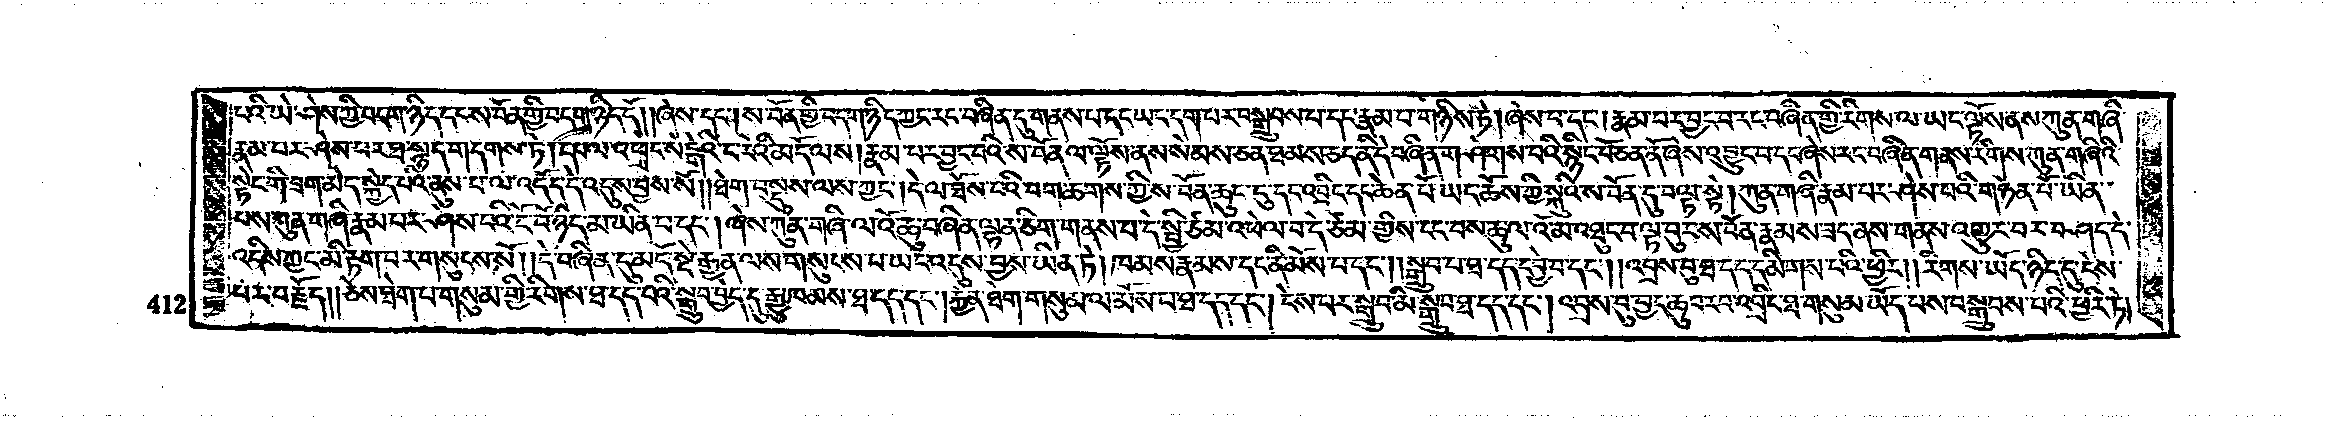པའི་ཡེ་ཤེས་ཀྱི་བདག་ཉིད་དང་ས་བོན་གྱི་བདག་ཉིད་དོ། །ཞེས་དང་། ས་བོན་གྱི་བདག་ཉིད་ཀྱང་རང་བཞིན་དུ་གནས་པ་དང་ཡང་དག་པར་བསྒྲུབས་པ་དང་རྣམ་པ་གཉིས་ཏེ། ཞེས་པ་དང་། རྣམ་པར་བྱང་བ་རང་བཞིན་གྱི་རིགས་ལ་ཡང་ལྟོས་ནས་ཀུན་གཞི་
རྣམ་པར་ཤེས་པར་ཐ་སྙད་གདགས་ཏེ། དཔལ་འཕྲེང་སེངྒེའི་ང་རེའི་མདོ་ལས། རྣམ་པར་བྱང་བའི་ས་བོན་ལ་ལྟོས་ནས་སེམས་ཅན་ཐམས་ཅད་ནི་དེ་བཞིན་གཤེགས་པའི་སྙིང་པོ་ཅན་ནོ་ཞེས་འབྱུང་བ་དང་ཞེས་རང་བཞིན་གནས་རིགས་ཀུན་གཞིའི་
སྟེང་གི་ཟག་མེད་སྐྱེད་པའི་ནུས་པ་ལ་འདོད་དེ་འདུས་བྱས་སོ། །ཐེག་བསྡུས་ལས་ཀྱང་། དེ་ལ་ཐོས་པའི་བག་ཆགས་ཀྱི་ས་བོན་ཆུང་ངུ་དང་འབྲིང་དང་ཆེན་པོ་ཡང་ཆོས་ཀྱི་སྐུའི་ས་བོན་དུ་བལྟ་སྟེ། ཀུན་གཞི་རྣམ་པར་ཤེས་པའི་གཉེན་པོ་ཡིན་
པས་ཀུན་གཞི་རྣམ་པར་ཤེས་པའི་ངོ་བོ་ཉིད་མ་ཡིན་པ་དང་། ཞེས་ཀུན་གཞི་ལ་འོ་ཆུ་བཞིན་ལྷན་ཅིག་གནས་པ་དེ་སྤྱི་ཙམ་འཕེལ་བ་དེ་ཙམ་གྱིས་ངང་པས་ཆུ་ལ་འོ་མ་འཐུང་བ་ལྟ་བུར་ས་བོན་རྣམས་ཟད་ནས་གནས་འགྱུར་བར་བཤད་དེ་
འདིས་ཀྱང་མི་རྟག་པར་གསུངས་སོ། །དེ་བཞིན་དུ་མདོ་སྡེ་རྒྱན་ལས་གསུངས་པ་ཡང་འདུས་བྱས་ཡིན་ཏེ། ཁམས་རྣམས་དང་ནི་མོས་པ་དང་། །སྒྲུབ་པ་ཐ་དད་དབྱེ་བ་དང་། །འབྲས་བུ་ཐ་དད་དམིགས་པའི་ཕྱིར། །རིགས་ཡོད་ཉིད་དུ་ངེས་
པར་བརྗོད། །ཅེས་ཐེག་པ་གསུམ་གྱི་རིགས་ཐ་དད་པའི་སྒྲུབ་བྱེད་དུ་རྒྱུ་ཁམས་ཐ་དད་དང་། རྐྱེན་ཐེག་གསུམ་ལ་མོས་པ་ཐ་དད་དང་། ངེས་པར་སྒྲུབ་མི་སྒྲུབ་ཐ་དད་དང་། འབྲས་བུ་བྱང་ཆུབ་རབ་འབྲིང་ཐ་གསུམ་ཡོད་པས་བསྒྲུབས་པའི་ཕྱིར་ཏེ།